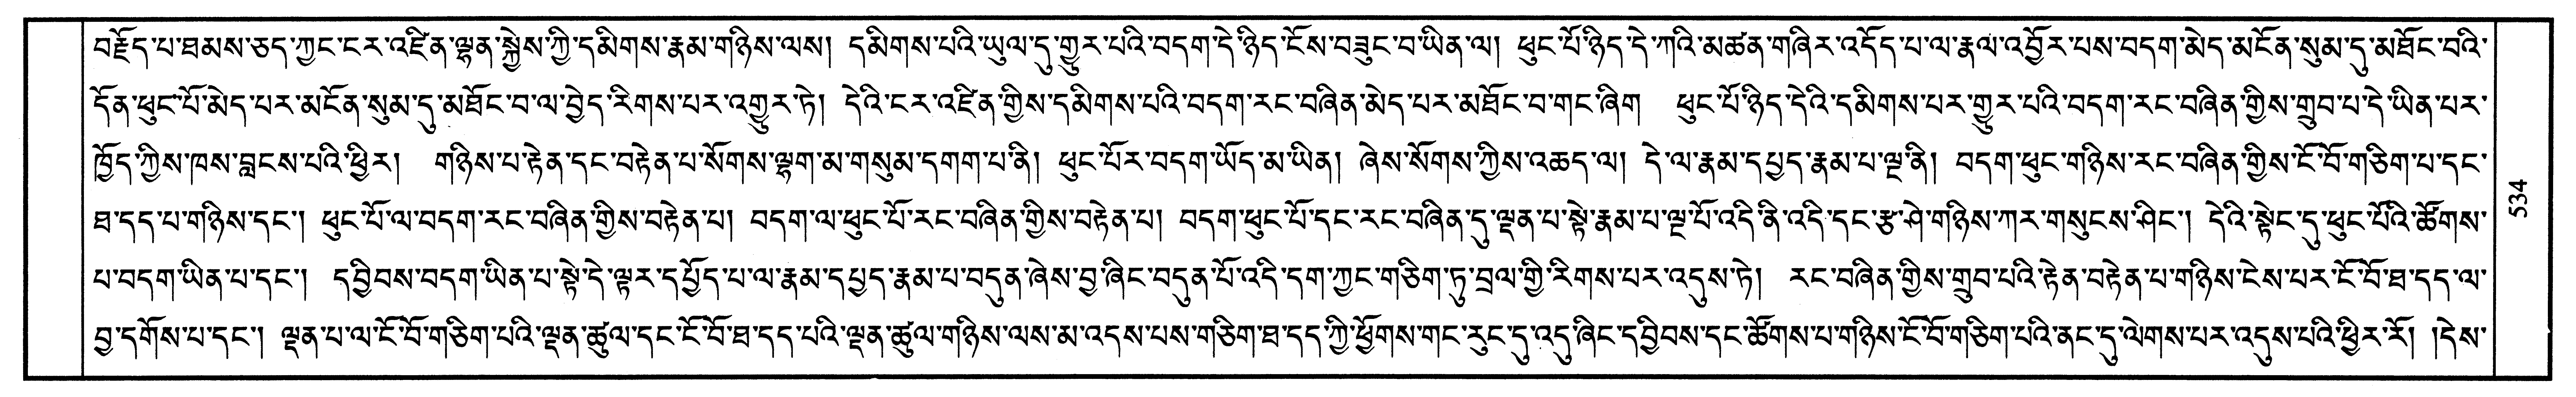བརྗོད་པ་ཐམས་ཅད་ཀྱང་ངར་འཛིན་ལྷན་སྐྱེས་ཀྱི་དམིགས་རྣམ་གཉིས་ལས། དམིགས་པའི་ཡུལ་དུ་གྱུར་པའི་བདག་དེ་ཉིད་ངོས་བཟུང་བ་ཡིན་ལ། ཕུང་པོ་ཉིད་དེ་ཀའི་མཚན་གཞིར་འདོད་པ་ལ་རྣལ་འབྱོར་པས་བདག་མེད་མངོན་སུམ་དུ་མཐོང་བའི་
དོན་ཕུང་པོ་མེད་པར་མངོན་སུམ་དུ་མཐོང་བ་ལ་བྱེད་རིགས་པར་འགྱུར་ཏེ། དེའི་ངར་འཛིན་གྱིས་དམིགས་པའི་བདག་རང་བཞིན་མེད་པར་མཐོང་བ་གང་ཞིག །ཕུང་པོ་ཉིད་དེའི་དམིགས་པར་གྱུར་པའི་བདག་རང་བཞིན་གྱིས་གྲུབ་པ་དེ་ཡིན་པར་
ཁྱོད་ཀྱིས་ཁས་བླངས་པའི་ཕྱིར། གཉིས་པ་རྟེན་དང་བརྟེན་པ་སོགས་ལྷག་མ་གསུམ་དགག་པ་ནི། ཕུང་པོར་བདག་ཡོད་མ་ཡིན། ཞེས་སོགས་ཀྱིས་འཆད་ལ། དེ་ལ་རྣམ་དཔྱད་རྣམ་པ་ལྔ་ནི། བདག་ཕུང་གཉིས་རང་བཞིན་གྱིས་ངོ་བོ་གཅིག་པ་དང་
ཐ་དད་པ་གཉིས་དང་། ཕུང་པོ་ལ་བདག་རང་བཞིན་གྱིས་བརྟེན་པ། བདག་ལ་ཕུང་པོ་རང་བཞིན་གྱིས་བརྟེན་པ། བདག་ཕུང་པོ་དང་རང་བཞིན་དུ་ལྡན་པ་སྟེ་རྣམ་པ་ལྔ་པོ་འདི་ནི་འདི་དང་རྩ་ཤེ་གཉིས་ཀར་གསུངས་ཤིང་། དེའི་སྟེང་དུ་ཕུང་པོའི་ཚོགས་
པ་བདག་ཡིན་པ་དང་། དབྱིབས་བདག་ཡིན་པ་སྟེ་དེ་ལྟར་དཔྱོད་པ་ལ་རྣམ་དཔྱད་རྣམ་པ་བདུན་ཞེས་བྱ་ཞིང་བདུན་པོ་འདི་དག་ཀྱང་གཅིག་ཏུ་བྲལ་གྱི་རིགས་པར་འདུས་ཏེ། རང་བཞིན་གྱིས་གྲུབ་པའི་རྟེན་བརྟེན་པ་གཉིས་ངེས་པར་ངོ་བོ་ཐ་དད་ལ་
བྱ་དགོས་པ་དང་། ལྡན་པ་ལ་ངོ་བོ་གཅིག་པའི་ལྡན་ཚུལ་དང་ངོ་བོ་ཐ་དད་པའི་ལྡན་ཚུལ་གཉིས་ལས་མ་འདས་པས་གཅིག་ཐ་དད་ཀྱི་ཕྱོགས་གང་རུང་དུ་འདུ་ཞིང་དབྱིབས་དང་ཚོགས་པ་གཉིས་ངོ་བོ་གཅིག་པའི་ནང་དུ་ལེགས་པར་འདུས་པའི་ཕྱིར་རོ། །དེས་